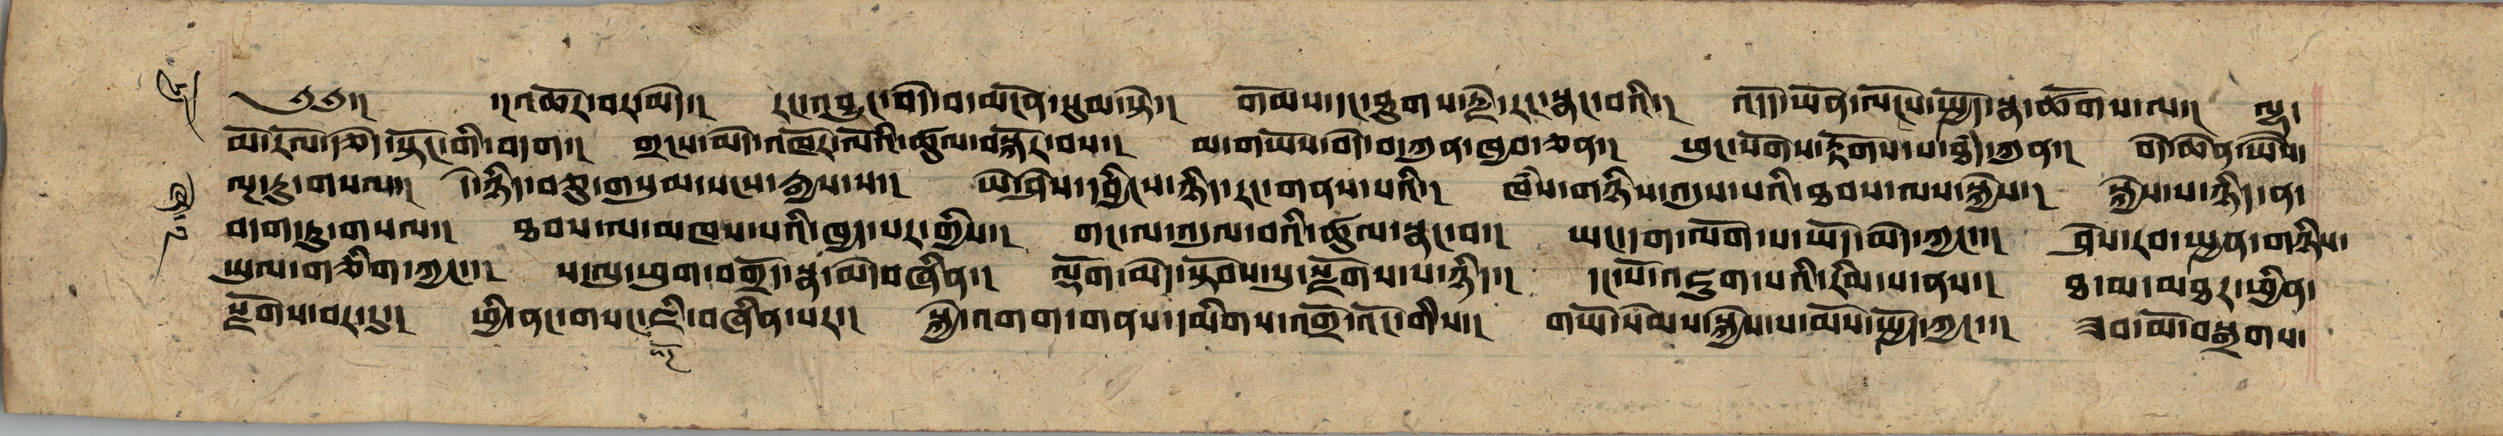༄༅་། ་།འཆོར་བར་མེད་། རང་འབྱུང་བདེ་བ་མངོན་སུམ་སྟེ་། གོམས་དང་ཐུགས་རྗེ་རང་སྣང་བའི་། འདོད་ཡོན་ལོངས་སྤྱོད་སྣ་ཚོགས་ལ་། ལྷ་
མོ་རོལ་རྩེད་སྟོང་གི་བདག་། གྲངས་མེད་འཁོར་ལོའི་ཚུལ་བསྐོར་བས་། མ་གཡོས་བདེ་བ་ཀུན་ཁྱབ་ཅན་། ཕུང་སོགས་རྟོགས་པ་ཐཾད་ཀུན་། བདེ་ཆེན་ཡཻས་
ལྔ་རུ་གསལ་། དེ་ཉིད་བཅུ་གསུམ་སངས་རྒྱས་པ་། ཡེ་ཤེས་དབྱིངས་ཉིད་རང་གནས་པའི་། ཁཾས་གཉིས་འདུས་པའི་ཐབས་ལས་སྐྱེས་། སྐྱེས་པ་ཉིད་ན་
བདག་ཏུ་གསལ་། ཐབས་ལ་མཁས་པའི་ཁྱད་པར་གྱིས་། གང་ལ་འདུལ་བའི་ཚུལ་སྣང་བ་། ཡང་དག་ལོག་པ་ཡོད་མེད་ཀྱང་་། ཤེས་རབ་སྤྱན་གཉིས་
ཡུལ་གཅིག་ཀྱང་་། ས་ལུ་ཕུག་བགྲོད་སྣ་མེ་བཞིན་། ལྡོག་མེད་སྟོབས་སུ་སྫོགས་པ་ཉིད་། དང་པོ་འཇུག་པའི་རིམ་པ་ནས་། ཐ་མ་མཐར་ཕྱིན་
སྫོགས་བར་དུ་། ཕྱི་ནང་གསང་ཇི་བཞིན་པར་། སྐྱེ་འགག་གནས་དམིགས་འགྲོ་འོང་གིས་། གཡོ་སེམས་སྐྱེས་པ་མོས་སྤྱོད་ཀྱང་་། ཟབ་མོ་བསྒྲགས་